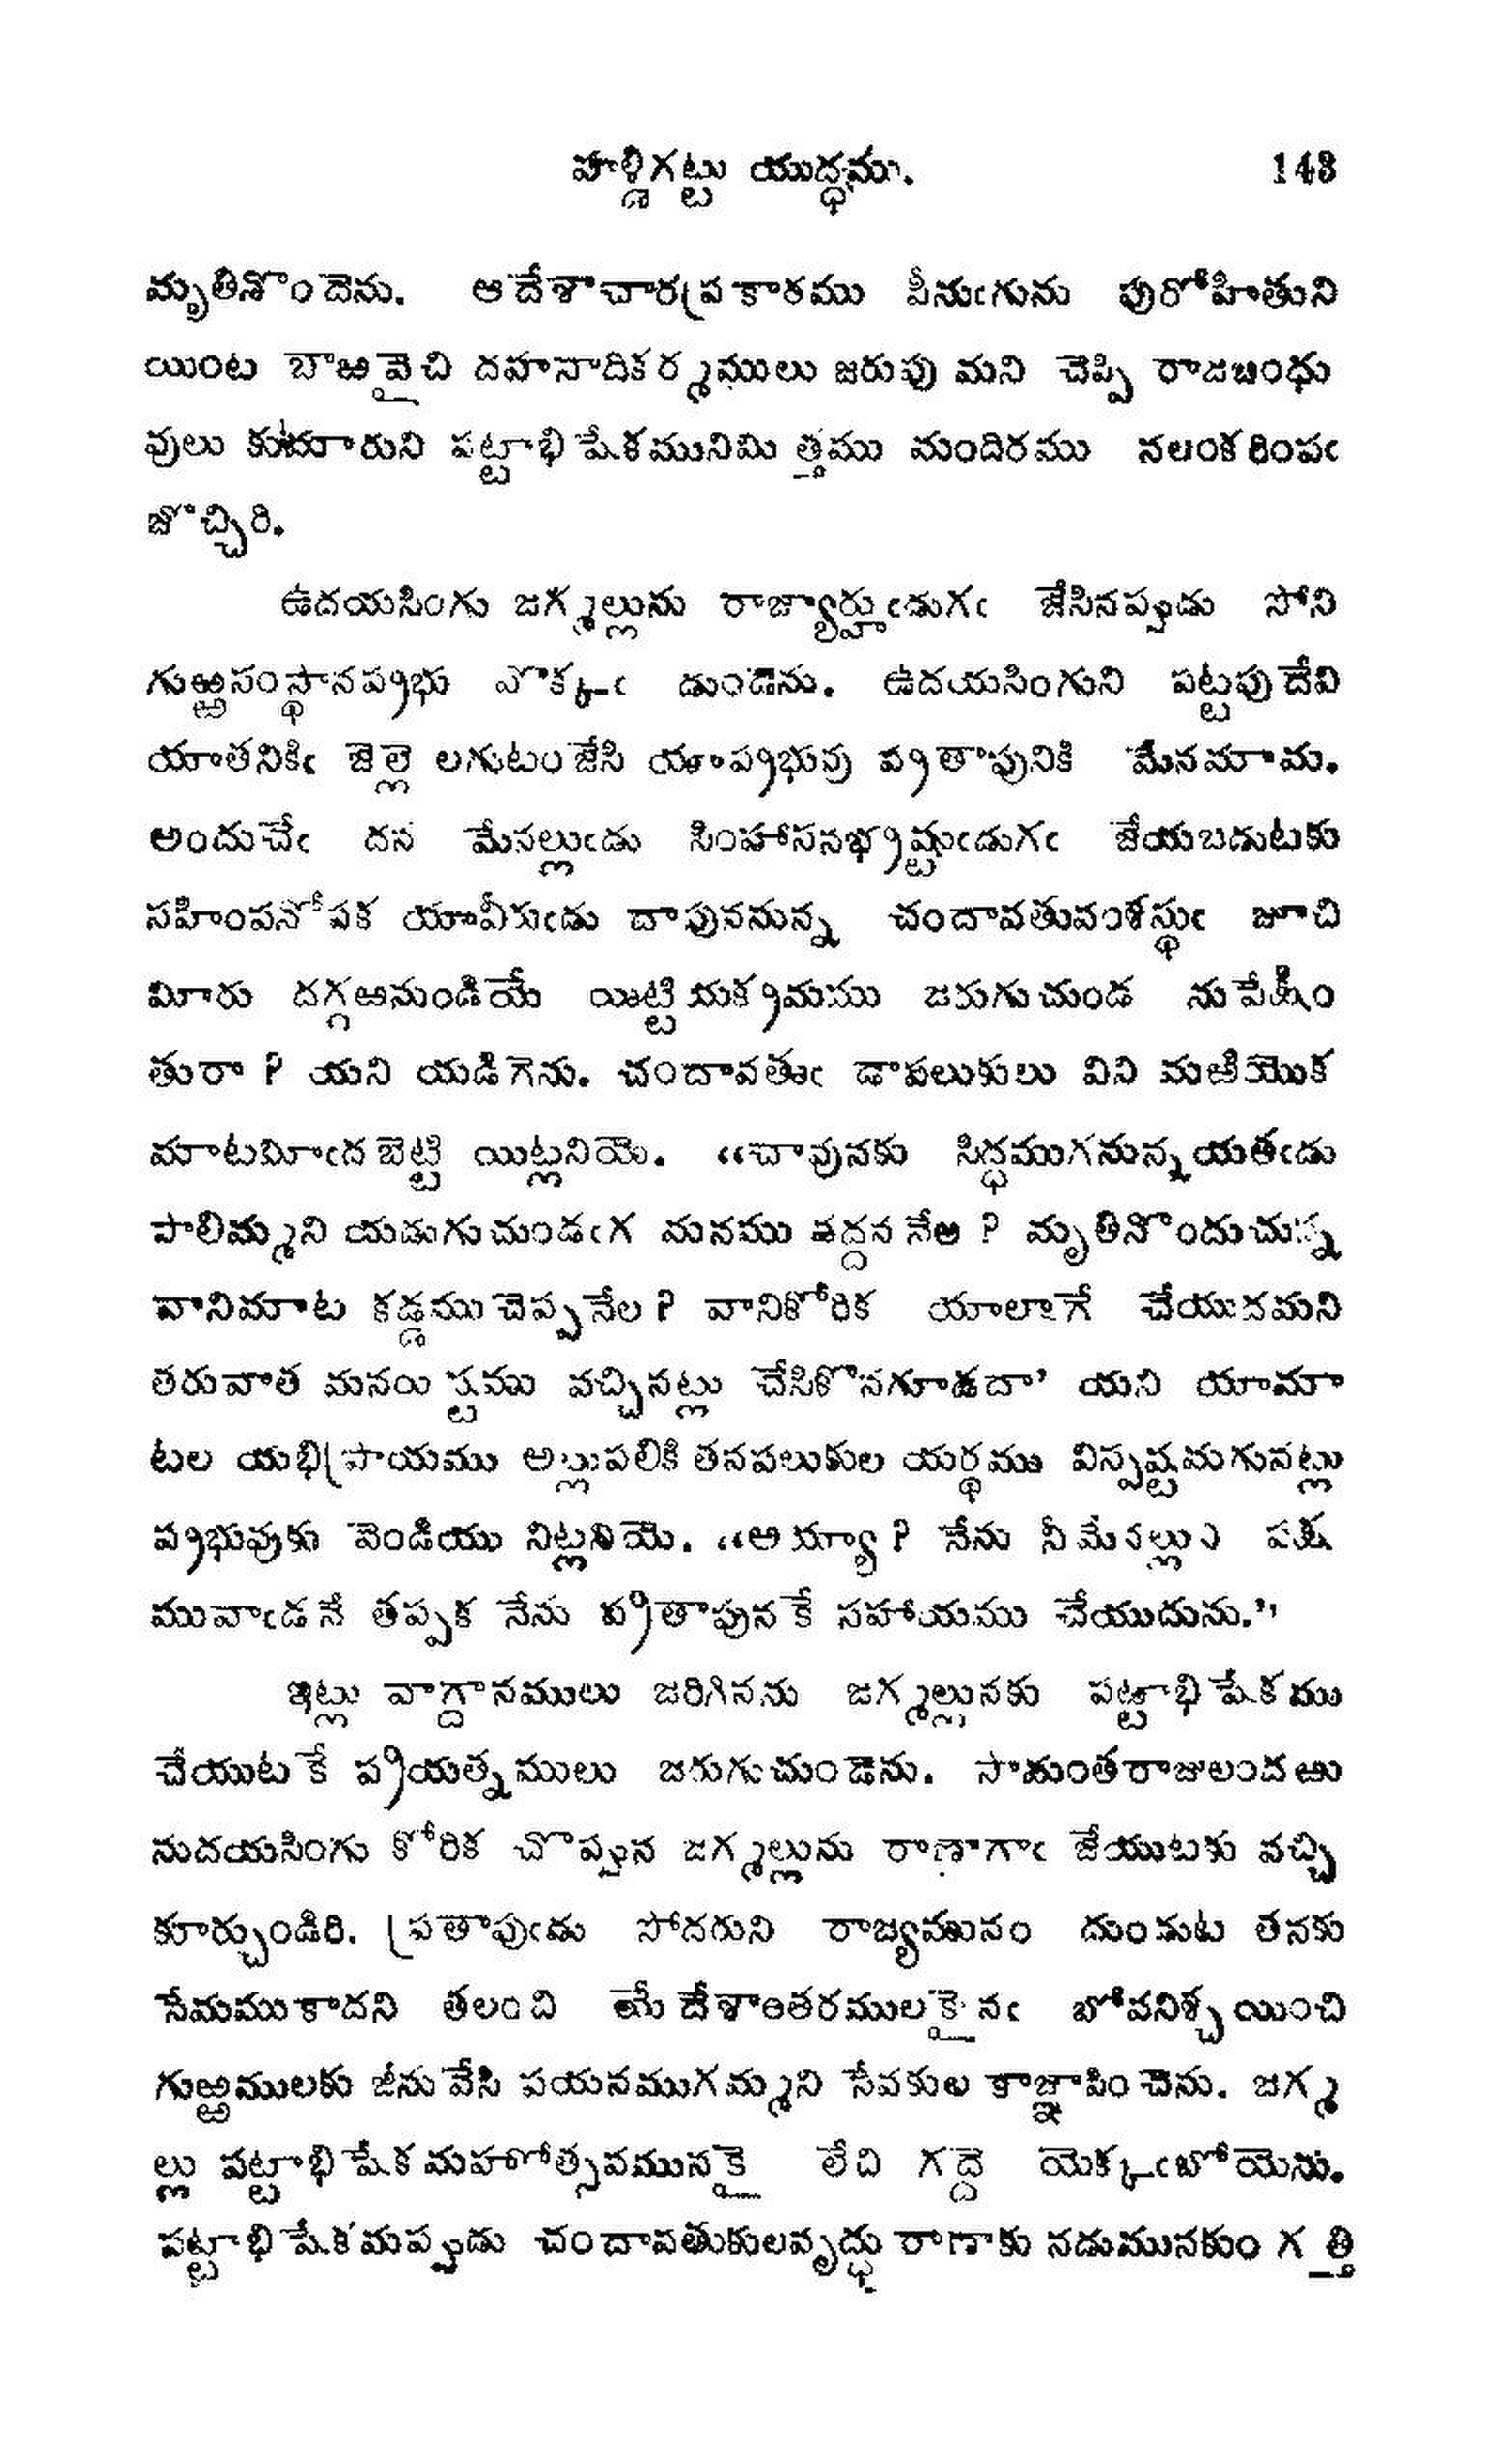మృతినొందెను. ఆదేశాచారప్రకారము పీనుఁగును పురోహితుని యింట బాఱ వైచి దహనాదికర్మములు జరుపు మని చెప్పి రాజబంధువులు కుమారుని పట్టాభిషేకము నిమిత్తము మందిరము నలంక రింపఁ జోచ్చిరి.

ఉదయసింగు జగ్మల్లును రాజ్యార్హుఁడుగ జేసినప్పుడు సోనిగుఱ్ఱ సంస్థాన ప్రభు వోక్కఁ డుండెను. ఉదయసింగుని పట్టపు దేవి
యాతనికిఁ జెల్లె లగుటం జేసి యా ప్రభువు ప్రతాపునికి 'మేనమామ. అందుచే దన మేనల్లుఁడు సింహాసనబ్రష్తుఁడుగఁ జేయబడుటకు
సహింపనోపక యావీరుఁడు దాపుననున్న చందావతువంశస్థుఁ జూచి మీరు దగ్గఱనుండియే యిట్టి యక్రమము జరుగుచుండ నుపేక్షింతురా యని యడిగెను. చందావతుఁ డాపలుకులు విని మఱియొక మాటమీఁద బెట్టి యిట్లనియె. “చావునకు సిద్ధముగనున్న యతఁడు
పాలిమ్మని యడుగుచుండఁగ మనము వద్దన నేల ? మృతినొందుచున్న వానిమాట కడ్డము చెప్ప నేల? వానికోరిక యాలాగే చేయుదమని
తరువాత మన యిష్టము వచ్చినట్లు చేసికొనగూడదా' యని యామాటల యభిప్రాయము అట్లు పలికి తన పలుకుల యర్థము విస్పష్టమగునట్లు ప్రభువుకు వెండియు నిట్లనియె. "అయ్యా? నేను నీ మేనల్లుని పక్షమువాఁడ నే తప్పక నేను ప్రతాపునకే సహాయము చేయుదును."

ఇట్లు వాగ్దానములు జరిగినను జగ్మలునకు పట్టాభి షేకము చేయుటకే ప్రయత్నములు జరుగుచుండెను. సామంత రాజులందఱు
నుదయసింగు కోరిక చొప్పున జగ్మల్లును రాణాగాఁ జేయుటకు వచ్చి కూర్చుండిరి. ప్రతాపుఁడు సోదరుని రాజ్యమునం దుండుట తనకు
సేమము కాదని తలంచి యే దేశాంతరములకైనఁ బోవనిశ్చయించి గుఱ్ఱములకు జీను వేసి పయనముగమ్మని సేవకుల కాజ్ఞాపించెను. జగ్మ
ల్లు పట్టాభిషేక మహోత్సవమునకై లేచి గద్దె యెక్కఁబోయెను.పట్టాభి షేకమప్పుడు చందాపతుకులవృద్ధు రాణాకు నడుమునకుం గత్తి